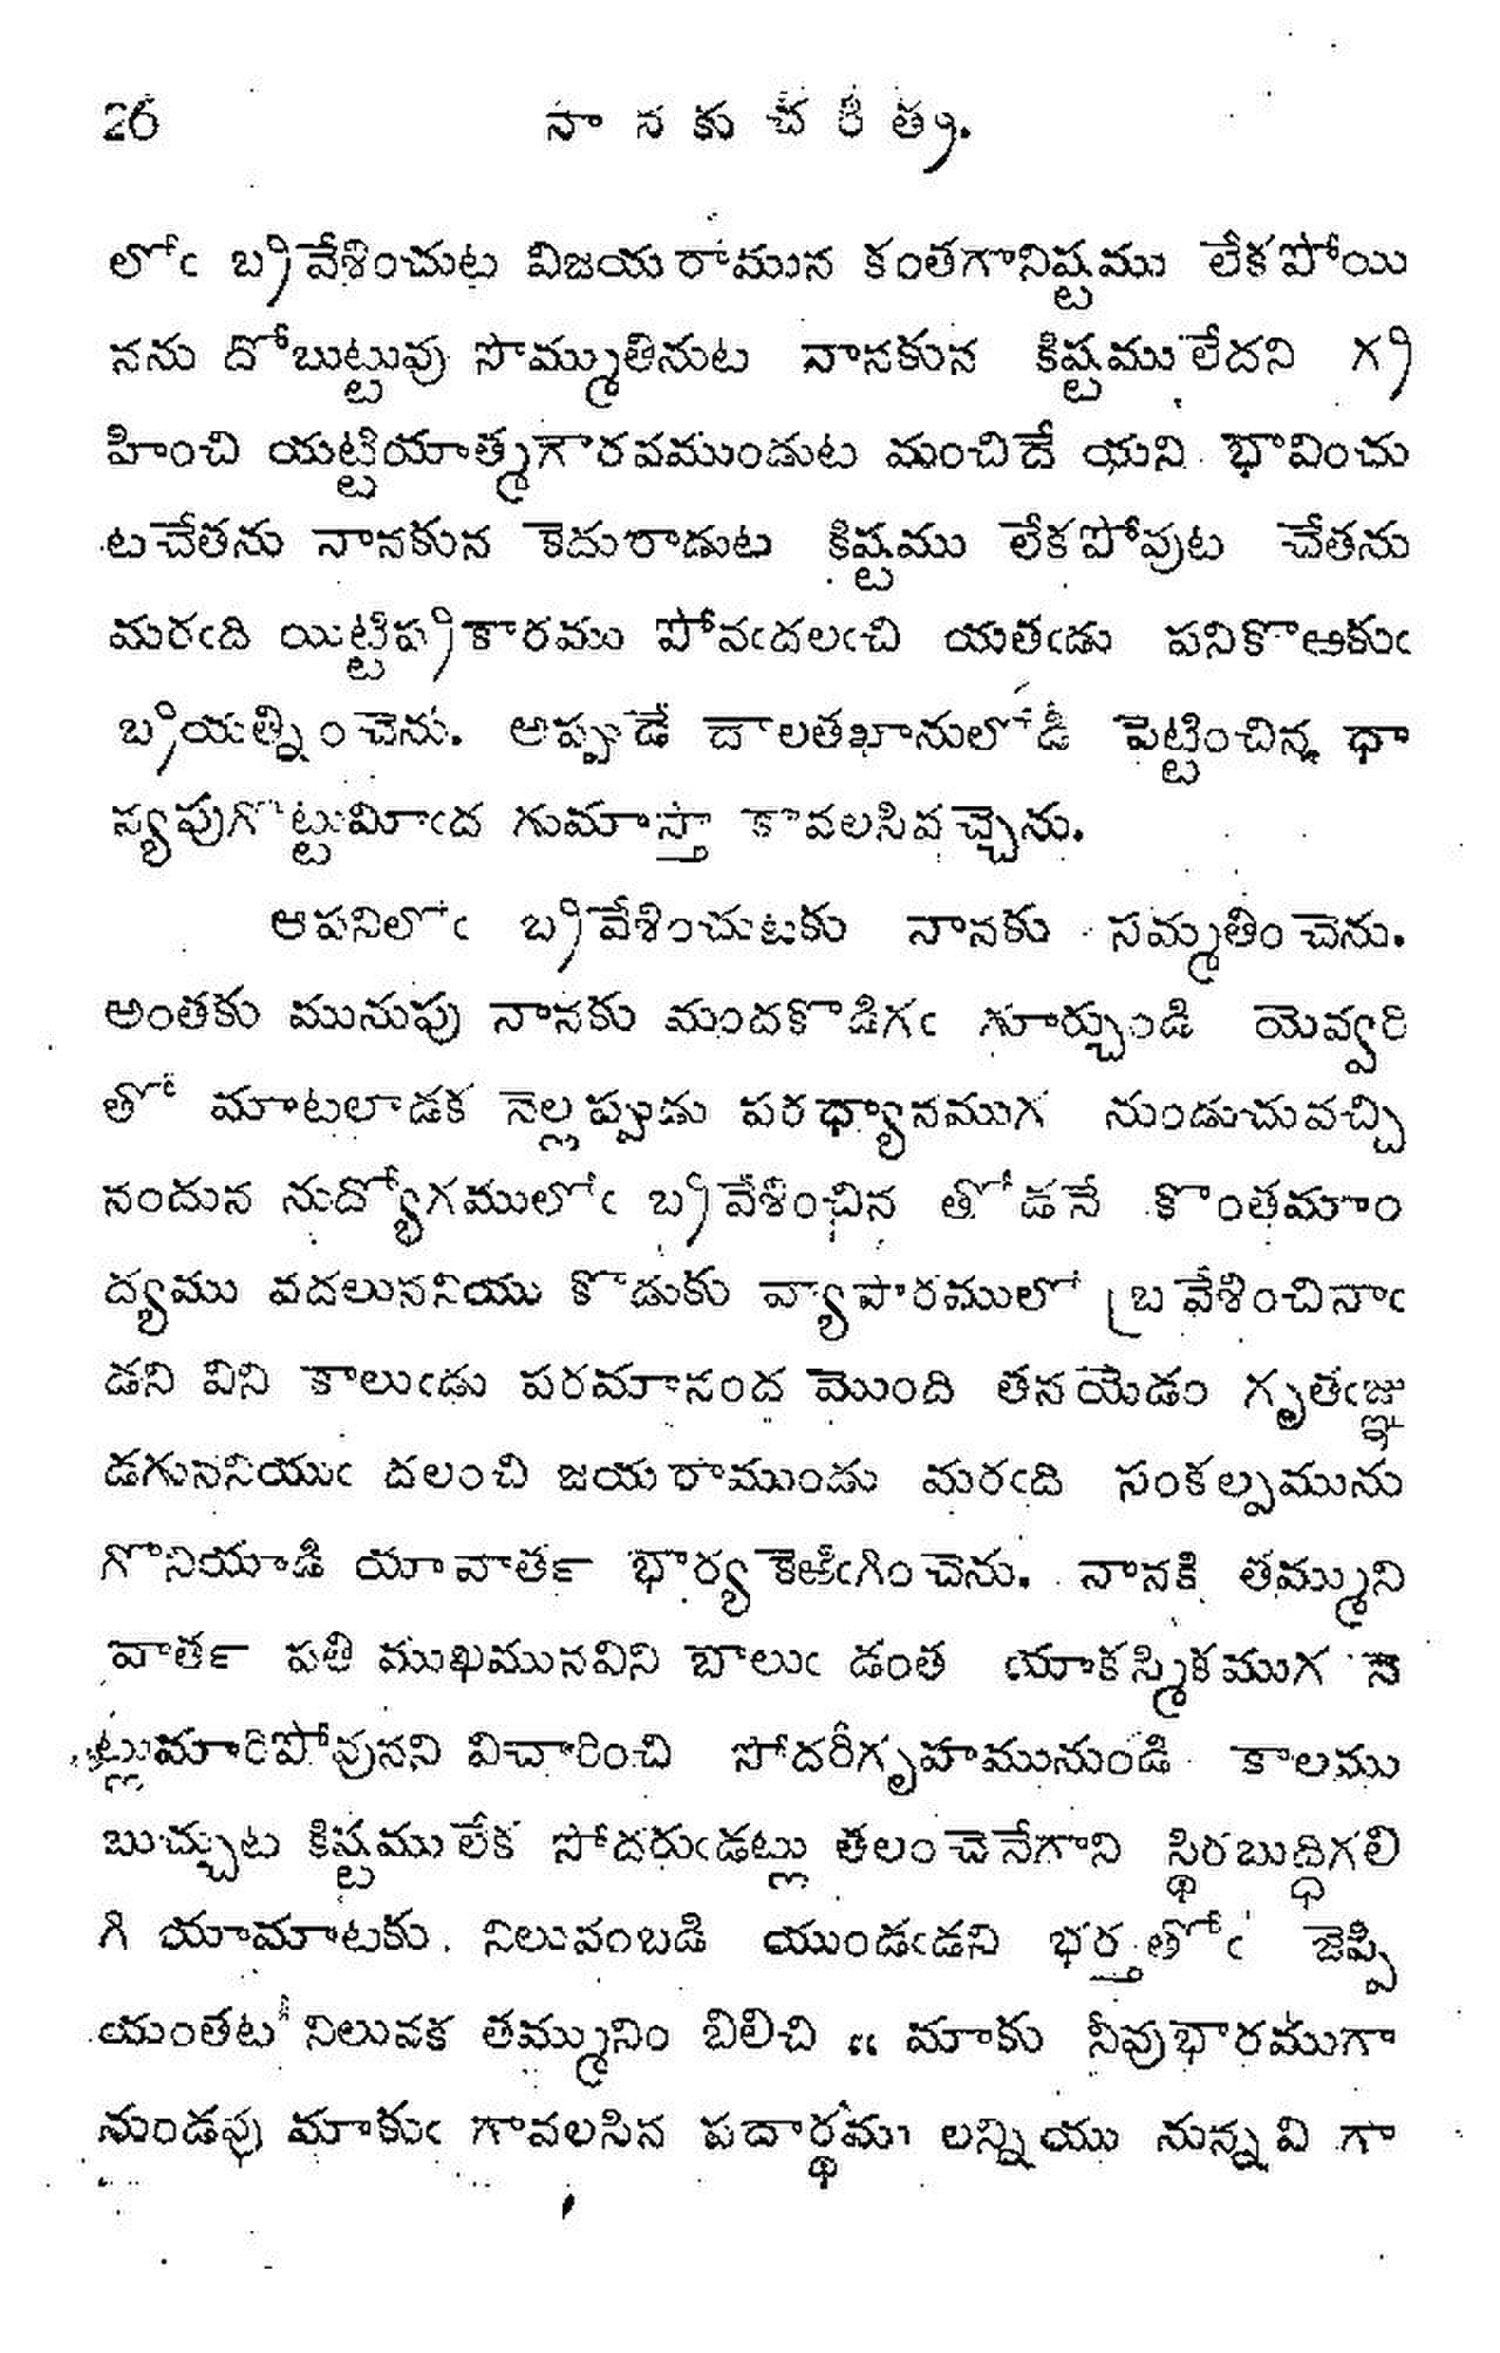లో బ్రవేశించుట విజయరామున కంతగానిష్టము లేకపోయినను దోబుట్టువు సొమ్ముతినుట నానకున కిష్టములేదని గ్రహించి యట్టియాత్మగౌరవముండుట మంచిదే యని భావించుటచేతను నానకున కెదురాడుట కిష్టము లేపోవుట చేతను మరది యిట్టిప్రకారము పోవదలచి యతడు పనికొఱకు బ్రయత్నించెను. అప్పుడే దౌలతఖానులోడీ పెట్టించిన ధాన్యపుగొట్టుమీద గుమస్తా కావలసివచ్చెను.

ఆపనిలో బ్రవేశించుటకు నానకు సమ్మతించెను. అంతకు మునుపు నానకు మందకొడిగ గూర్చుండి యెవ్వరితో మాటలాడక నెల్లప్పుడు పరధ్యానముగ నుండుచువచ్చినందున నుద్యోగములో బ్రవేశించిన తోడనే కొంతమాంద్యము వదలుననియు కొడుకు వ్యాపారములో బ్రవేశించినాడని విని కాలుడు పరమానంద మొంది తనయెడం గృతజ్ఞుడగుననియు దలంచి జయరాముండు మరది సంకల్పమును గొనియాడి యవాతన్ భార్యకెఱిగించెను. నానకి తమ్ముని వాతన్ పతి ముఖమునవిని బాలు డంత యాకస్మికముగ నెట్లుమారిపోవునని విచారించి సోదరీగృహమునుండి కాలము బుచ్చుట కిష్టములేక సోదరుడట్లు తలంచెనేగాని స్థిరబుద్ధిగలిగి యామాటకు నిలువంబడి యుండడని భర్తతో జెప్పి యంతట నిలువక తమ్మునిం బిలిచి "మాకు నీవుభారమగా నుండవు మాకు గావలసిన పదార్థము లన్నియు నున్నవి గా